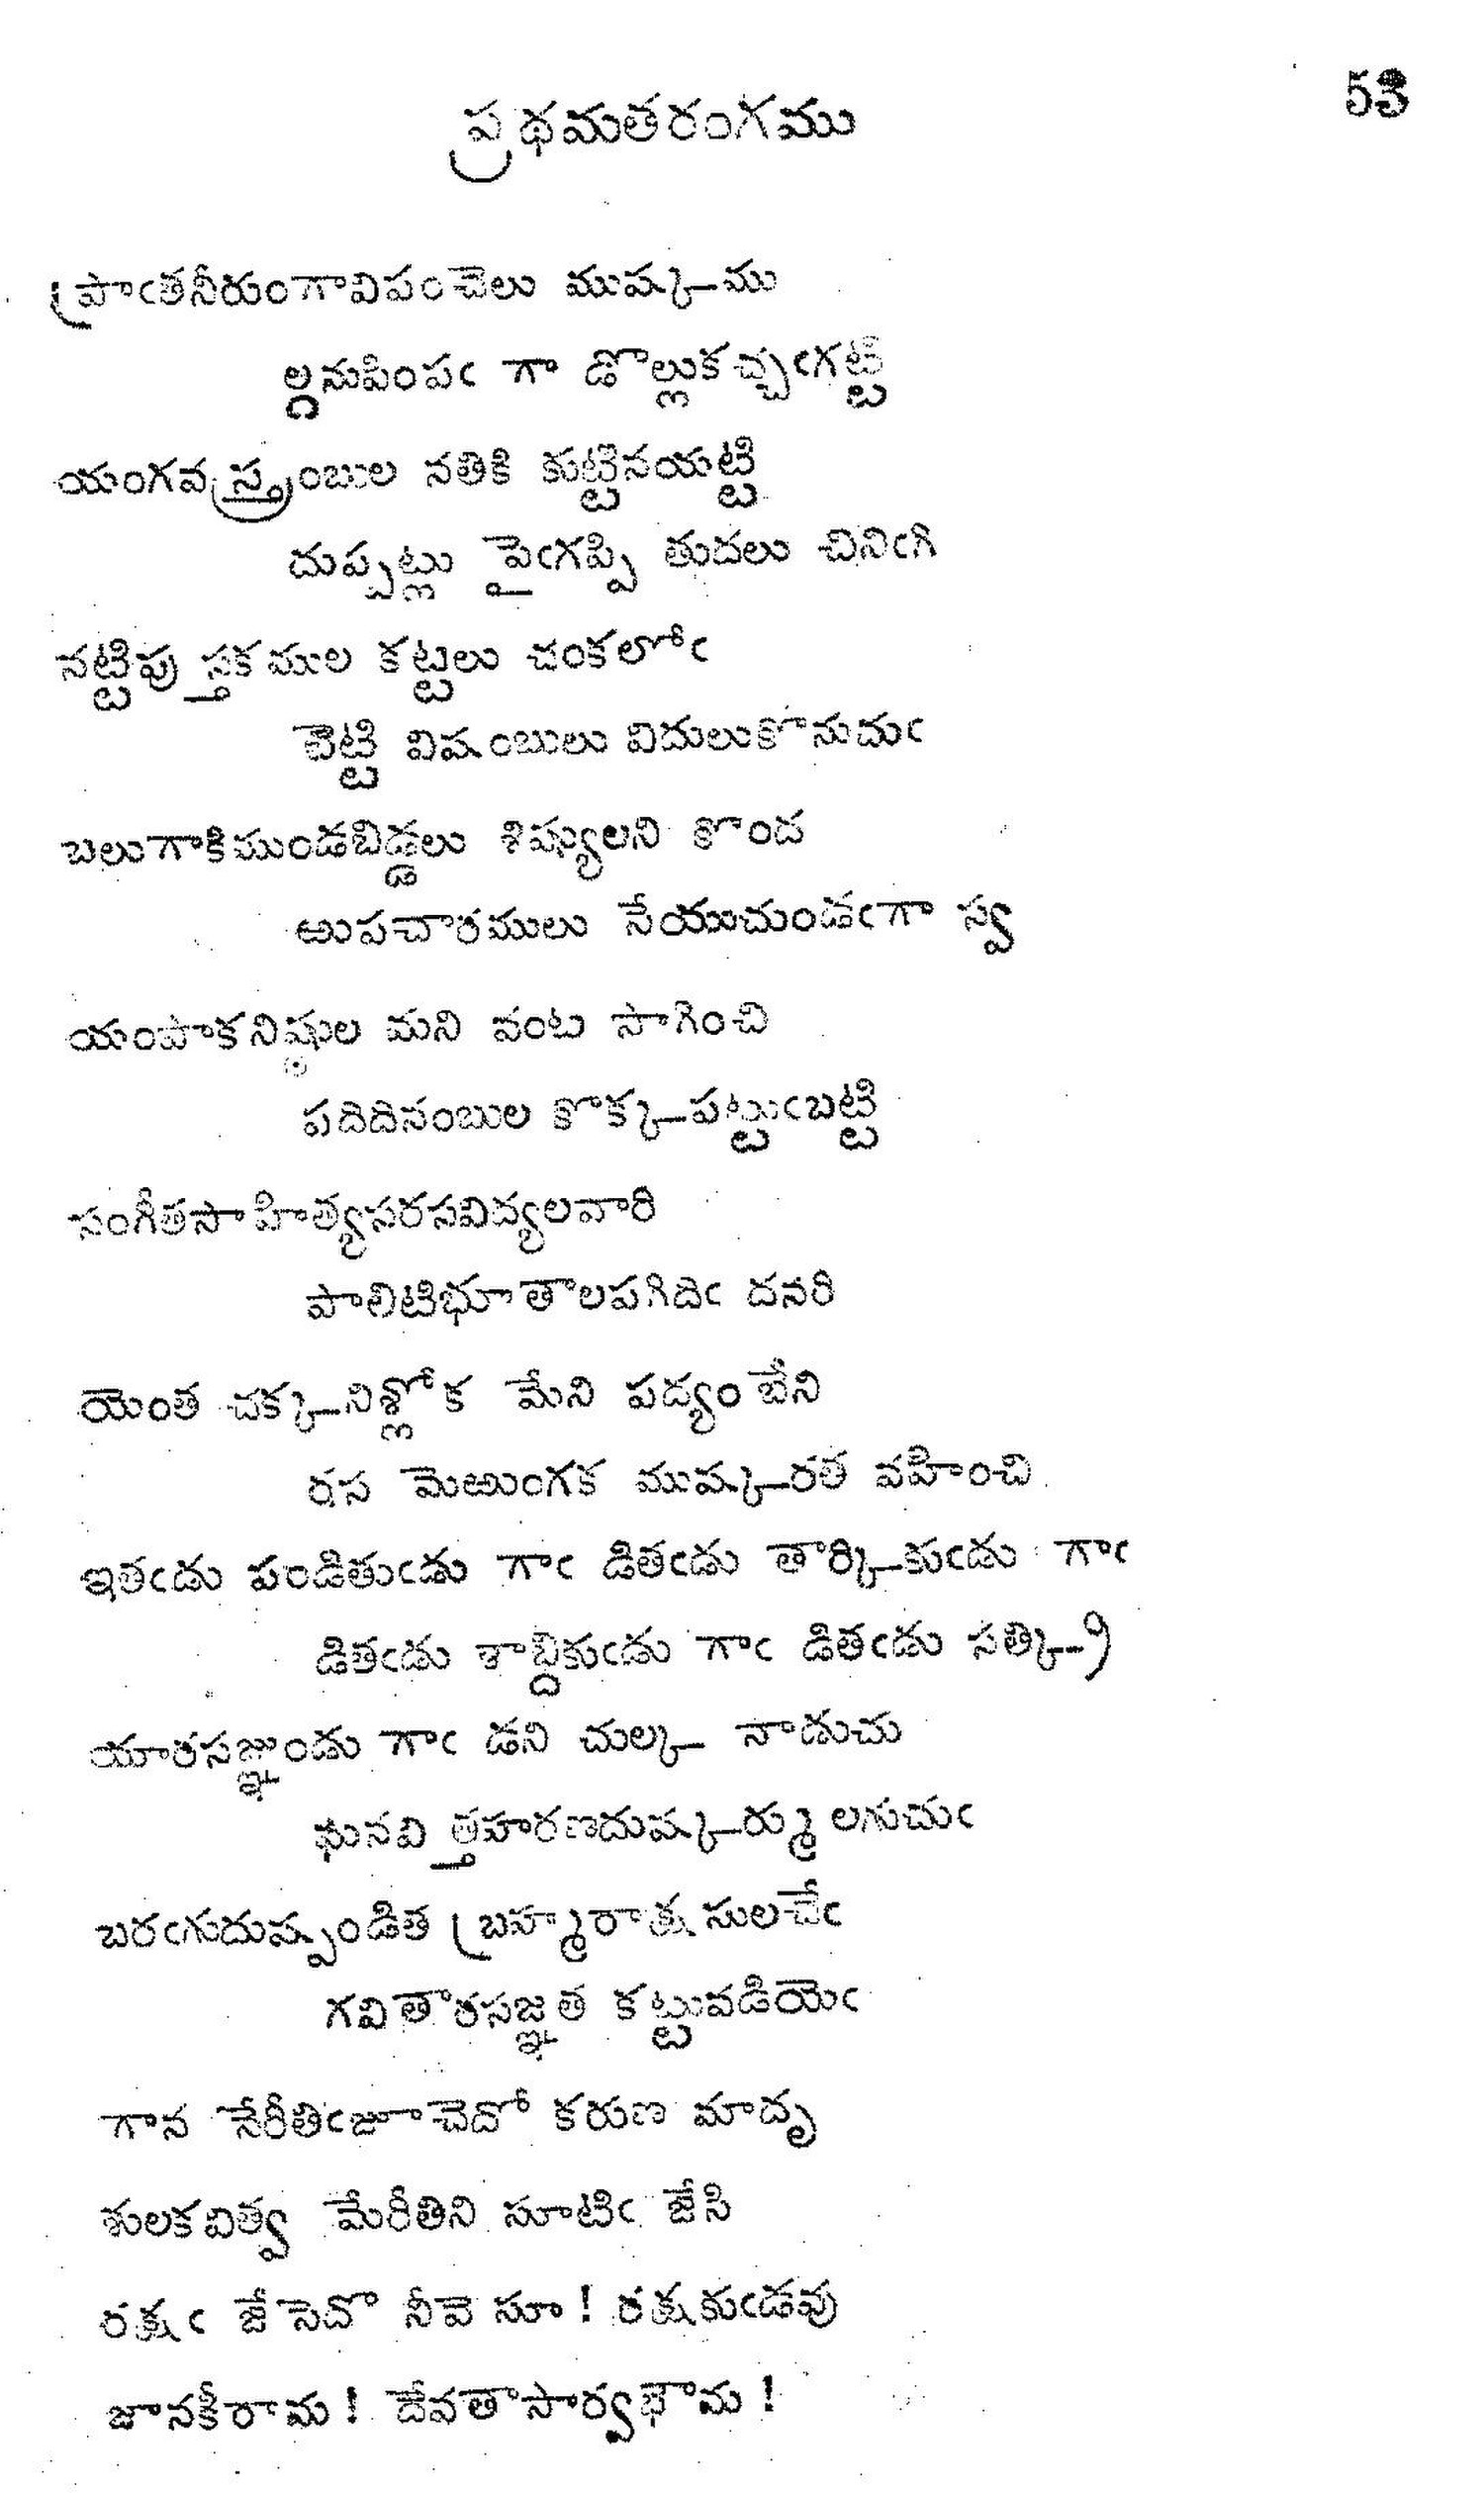ప్రాఁతనీరుంగావిపంచెలు ముష్కము
 ల్గనుపింపఁ గా డొల్లుకచ్చఁగట్టి
 యంగవస్త్రంబుల నతికి కుట్టినయట్టి
 దుప్పట్లు పైఁగప్పి తుదలు చినిఁగి
 నట్టిపుస్తకముల కట్టలు చంకలోఁ
 బెట్టి విషంబులు విదులుకొనుచుఁ
 బలుగాకిముండబిడ్డలు శిష్యులని కొంద
 ఱుపచారములు సేయుచుండఁగా స్వ
 యంపాకనిష్ఠుల మని వంట సాగించి
 పదిదినంబుల కొక్కపట్టుఁబట్టి
 సంగీతసాహిత్యసరసవిద్యలవారి
 పాలిటిభూతాలపగిదిఁ దనరి
 యెంత చక్కనిశ్లోక మేని పద్యంబేని
 రస మెఱుంగక ముష్కరత వహించి
 ఇతఁడు పండితుఁడు గాఁ డితఁడు తార్కికుఁడు గాఁ
 డితఁడు శాబ్దికుఁడు గాఁ డితఁడు సత్క్రి
 రసజ్ఞుండు గాఁ డని చుల్క నాడుచు
 ఘనవిత్తహరణదుష్కర్ములగుచుఁ
 బరఁగు దుష్పండిత బ్రహ్మరాక్షసులచేఁ
 గవితారసజ్ఞత కట్టువడియెఁ
 గాన నేరీతిఁ జూచెదో కరుణ మాదృ
 శులకవిత్వ మేరీతిని సూటిఁ జేసి
 రక్షఁ జేసెదొ నీవె సూ! రక్షకుఁడవు
 జానకీరామ! దేవతాసార్వభౌమ!